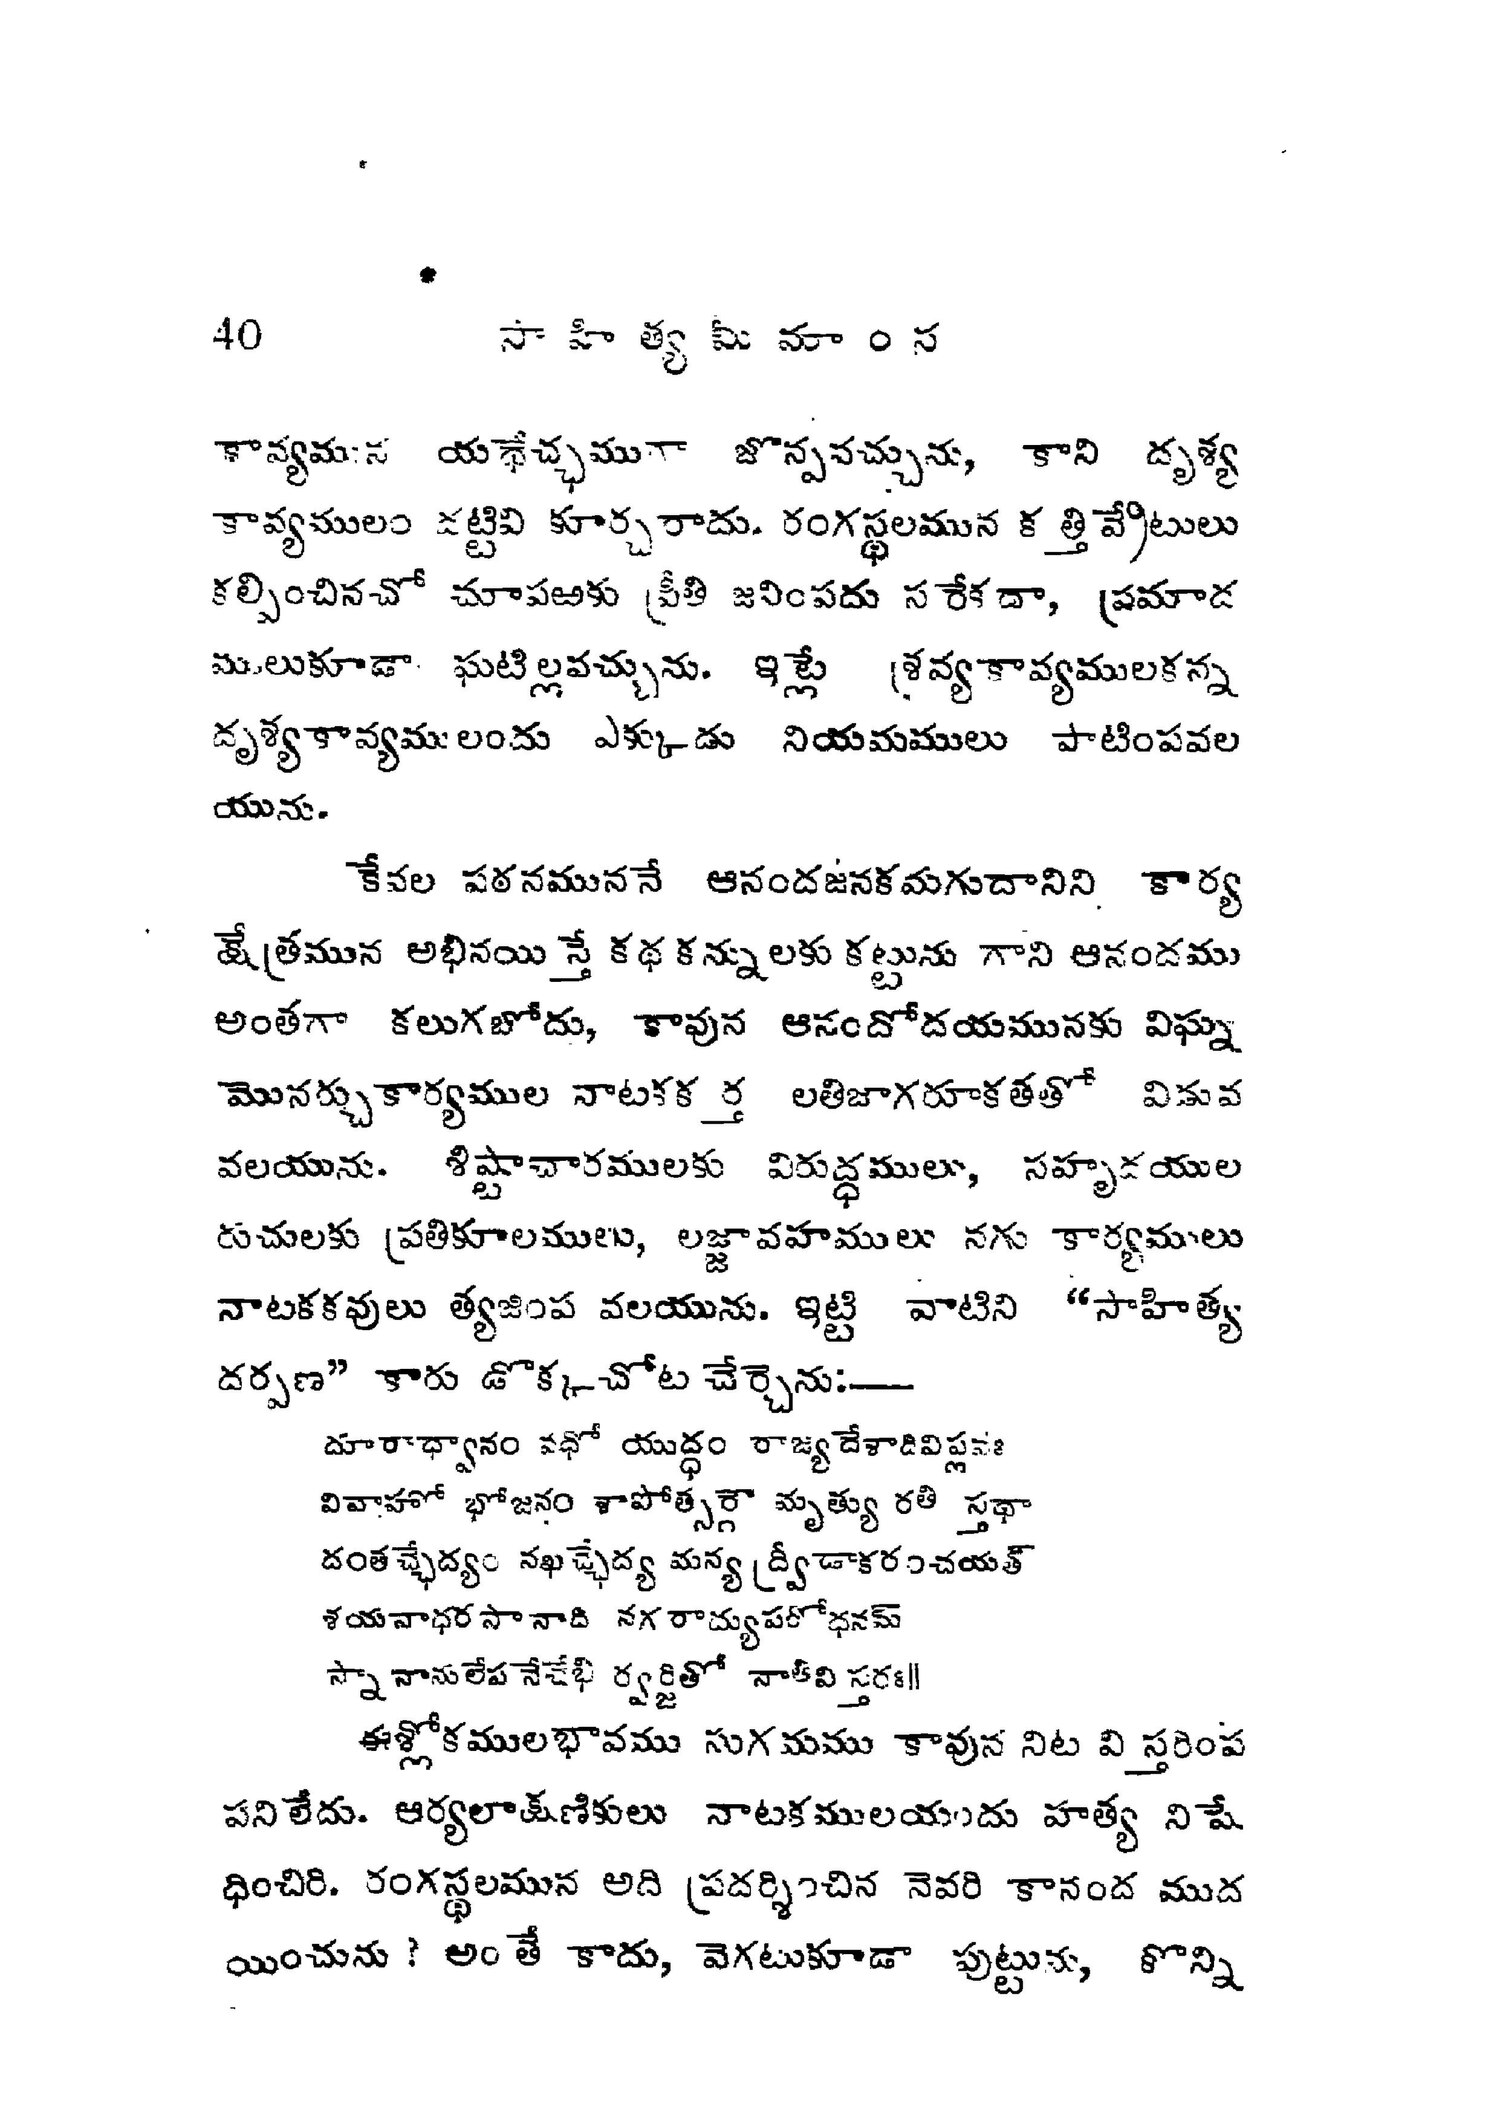కావ్యమున యథేచ్ఛముగా జొన్పవచ్చును, కాని దృశ్య కావ్యములం దట్టివి కూర్చరాదు. రంగస్థలమున కత్తివ్రేటులు కల్పించినచో చూపఱకు ప్రీతి జనింపదు సరేకదా, ప్రమాదములుకూడా ఘటిల్లవచ్చును. ఇట్లే శ్రవ్యకావ్యములకన్న దృశ్యకావ్యములందు ఎక్కుడు నియమములు పాటింపవలయును.

కేవల పఠనముననే ఆనందజనకమగుదానిని కార్య క్షేత్రమున అభినయిస్తే కథ కన్నులకు కట్టును గాని ఆనందము అంతగా కలుగబోదు, కావున ఆనందోదయమునకు విఘ్న మొనర్చు కార్యముల నాటకకర్త లతిజాగరూకతతో విడువ వలయును. శిష్టాచారములకు విరుద్ధములు, సహృదయుల రుచులకు ప్రతికూలములు, లజ్జావహములు నగు కార్యములు నాటకకవులు త్యజింప వలయును. ఇట్టి వాటిని "సాహిత్య దర్పణ" కారు డొక్కచోట చేర్చెను: -

 దూరాధ్వానం వధో యుద్ధం రాజ్యదేశాదివిప్లవ:
 వివాహో భోజనం శాపోత్సర్గౌ మృత్యు రతి స్తథా
 దంంతచ్ఛేద్యం నఖచ్ఛేద్య మన్య ద్ర్వీడాకరంచయత్
 శయనాధరసానాది నగరాద్యుపరోధనమ్
 స్నానానులేపనేచేభి ర్వర్జితో నాతివిస్తర:||

ఈశ్లోకములభావము సుగమము కావున నిట విస్తరింప పనిలేదు. ఆర్యలాక్షణికులు నాటకములయందు హత్య నిషేధించిరి. రంగస్థలమున అది ప్రదర్శించిన నెవరి కానంద ముదయించును ? అంతే కాదు, వెగటుకూడా పుట్టును, కొన్ని